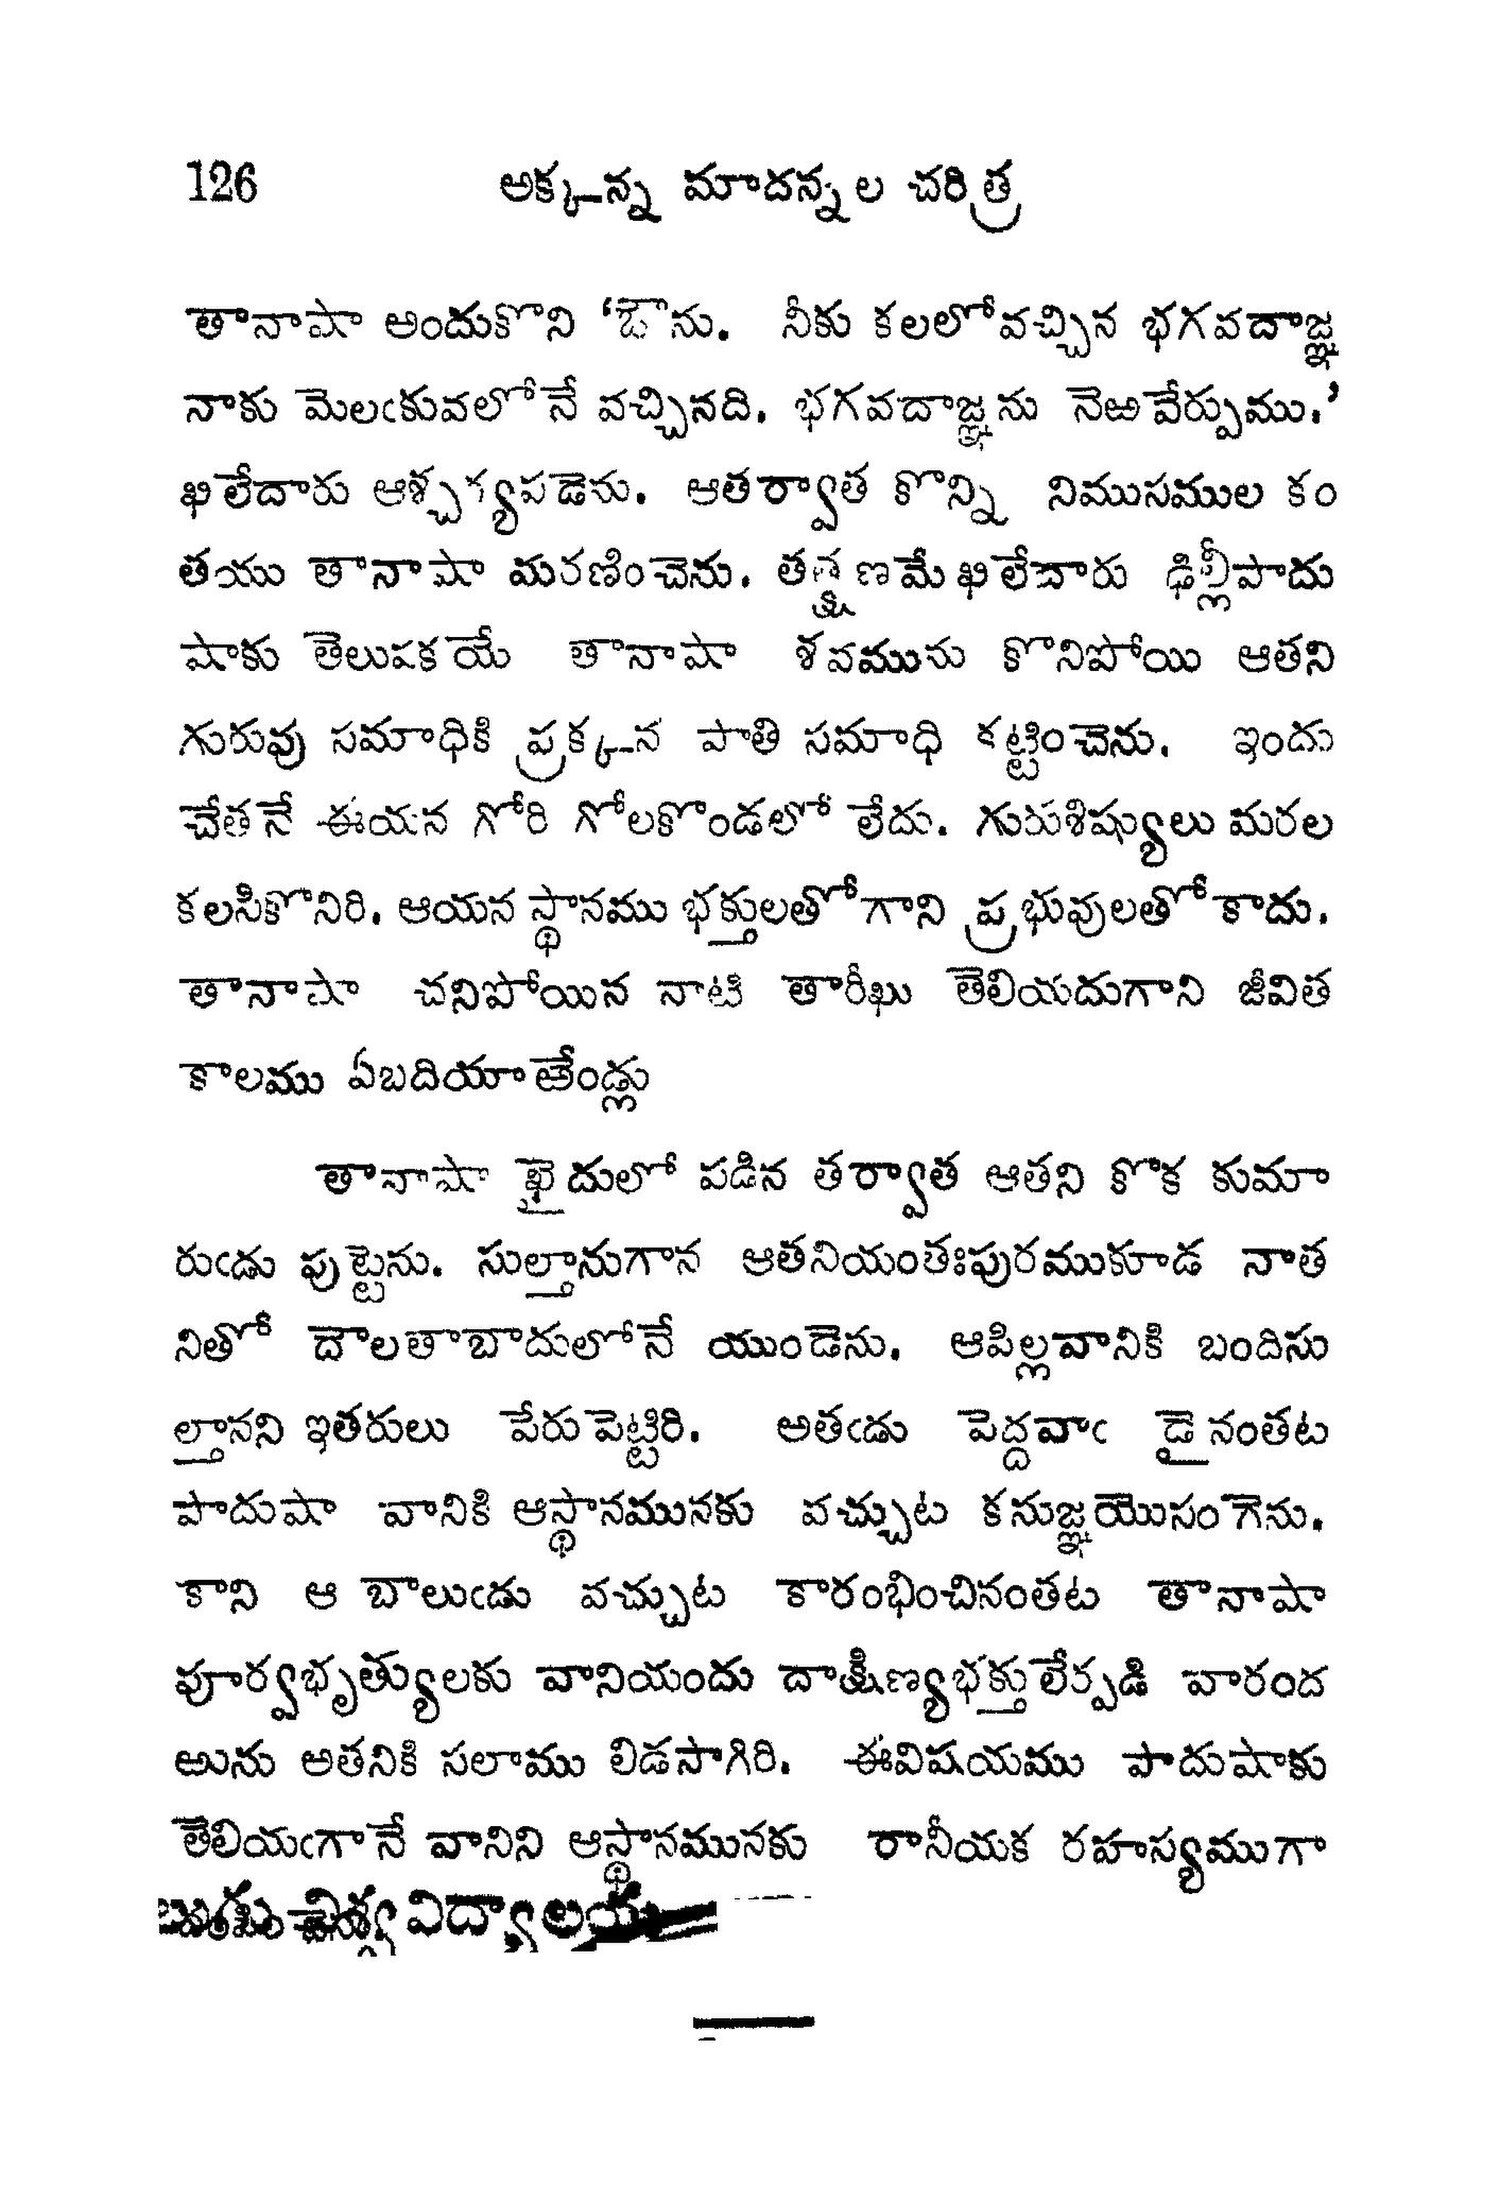తానాషా అందుకొని ‘ఔను. నీకు కలలో వచ్చిన భగవదాజ్ఞ నాకు మెలఁకువలోనే వచ్చినది. భగవదాజ్ఞను నెఱవేర్పుము.’ ఖిలేదారు ఆశ్చర్యపడెను. ఆతర్వాత కొన్ని నిముసముల కంతయు తానాషా మరణించెను. తత్క్షణమే ఖిలేదారు ఢిల్లీపాదుషాకు తెలుపకయే తానాషా శవమును కొనిపోయి ఆతని గురువు సమాధికి ప్రక్కన పాతి సమాధి కట్టించెను. ఇందు చేతనే ఈయన గోరి గోలకొండలో లేదు. గురుశిష్యులు మరల కలసికొనిరి. ఆయన స్థానము భక్తులతోగాని ప్రభువులతో కాదు. తానాషా చనిపోయిన నాటి తారీఖు తెలియదుగాని జీవితకాలము ఏబదియాఱేండ్లు.

తానాషా ఖైదులో పడిన తర్వాత ఆతని కొక కుమారుఁడు పుట్టెను. సుల్తానుగాన ఆతనియంతఃపురముకూడ నాతనితో దౌలతాబాదులోనే యుండెను. ఆపిల్లవానికి బందిసుల్తానని ఇతరులు పేరుపెట్టిరి. అతఁడు పెద్దవాఁ డైనంతట పాదుషా వానికి ఆస్థానమునకు వచ్చుట కనుజ్ఞయొసంగెను. కాని ఆ బాలుఁడు వచ్చుట కారంభించినంతట తానాషా పూర్వభృత్యులకు వానియందు దాక్షిణ్యభక్తులేర్పడి వారందఱును అతనికి సలాము లిడసాగిరి. ఈవిషయము పాదుషాకు తెలియఁగానే వానిని ఆస్థానమునకు రానీయక రహస్యముగా చంపించెను.